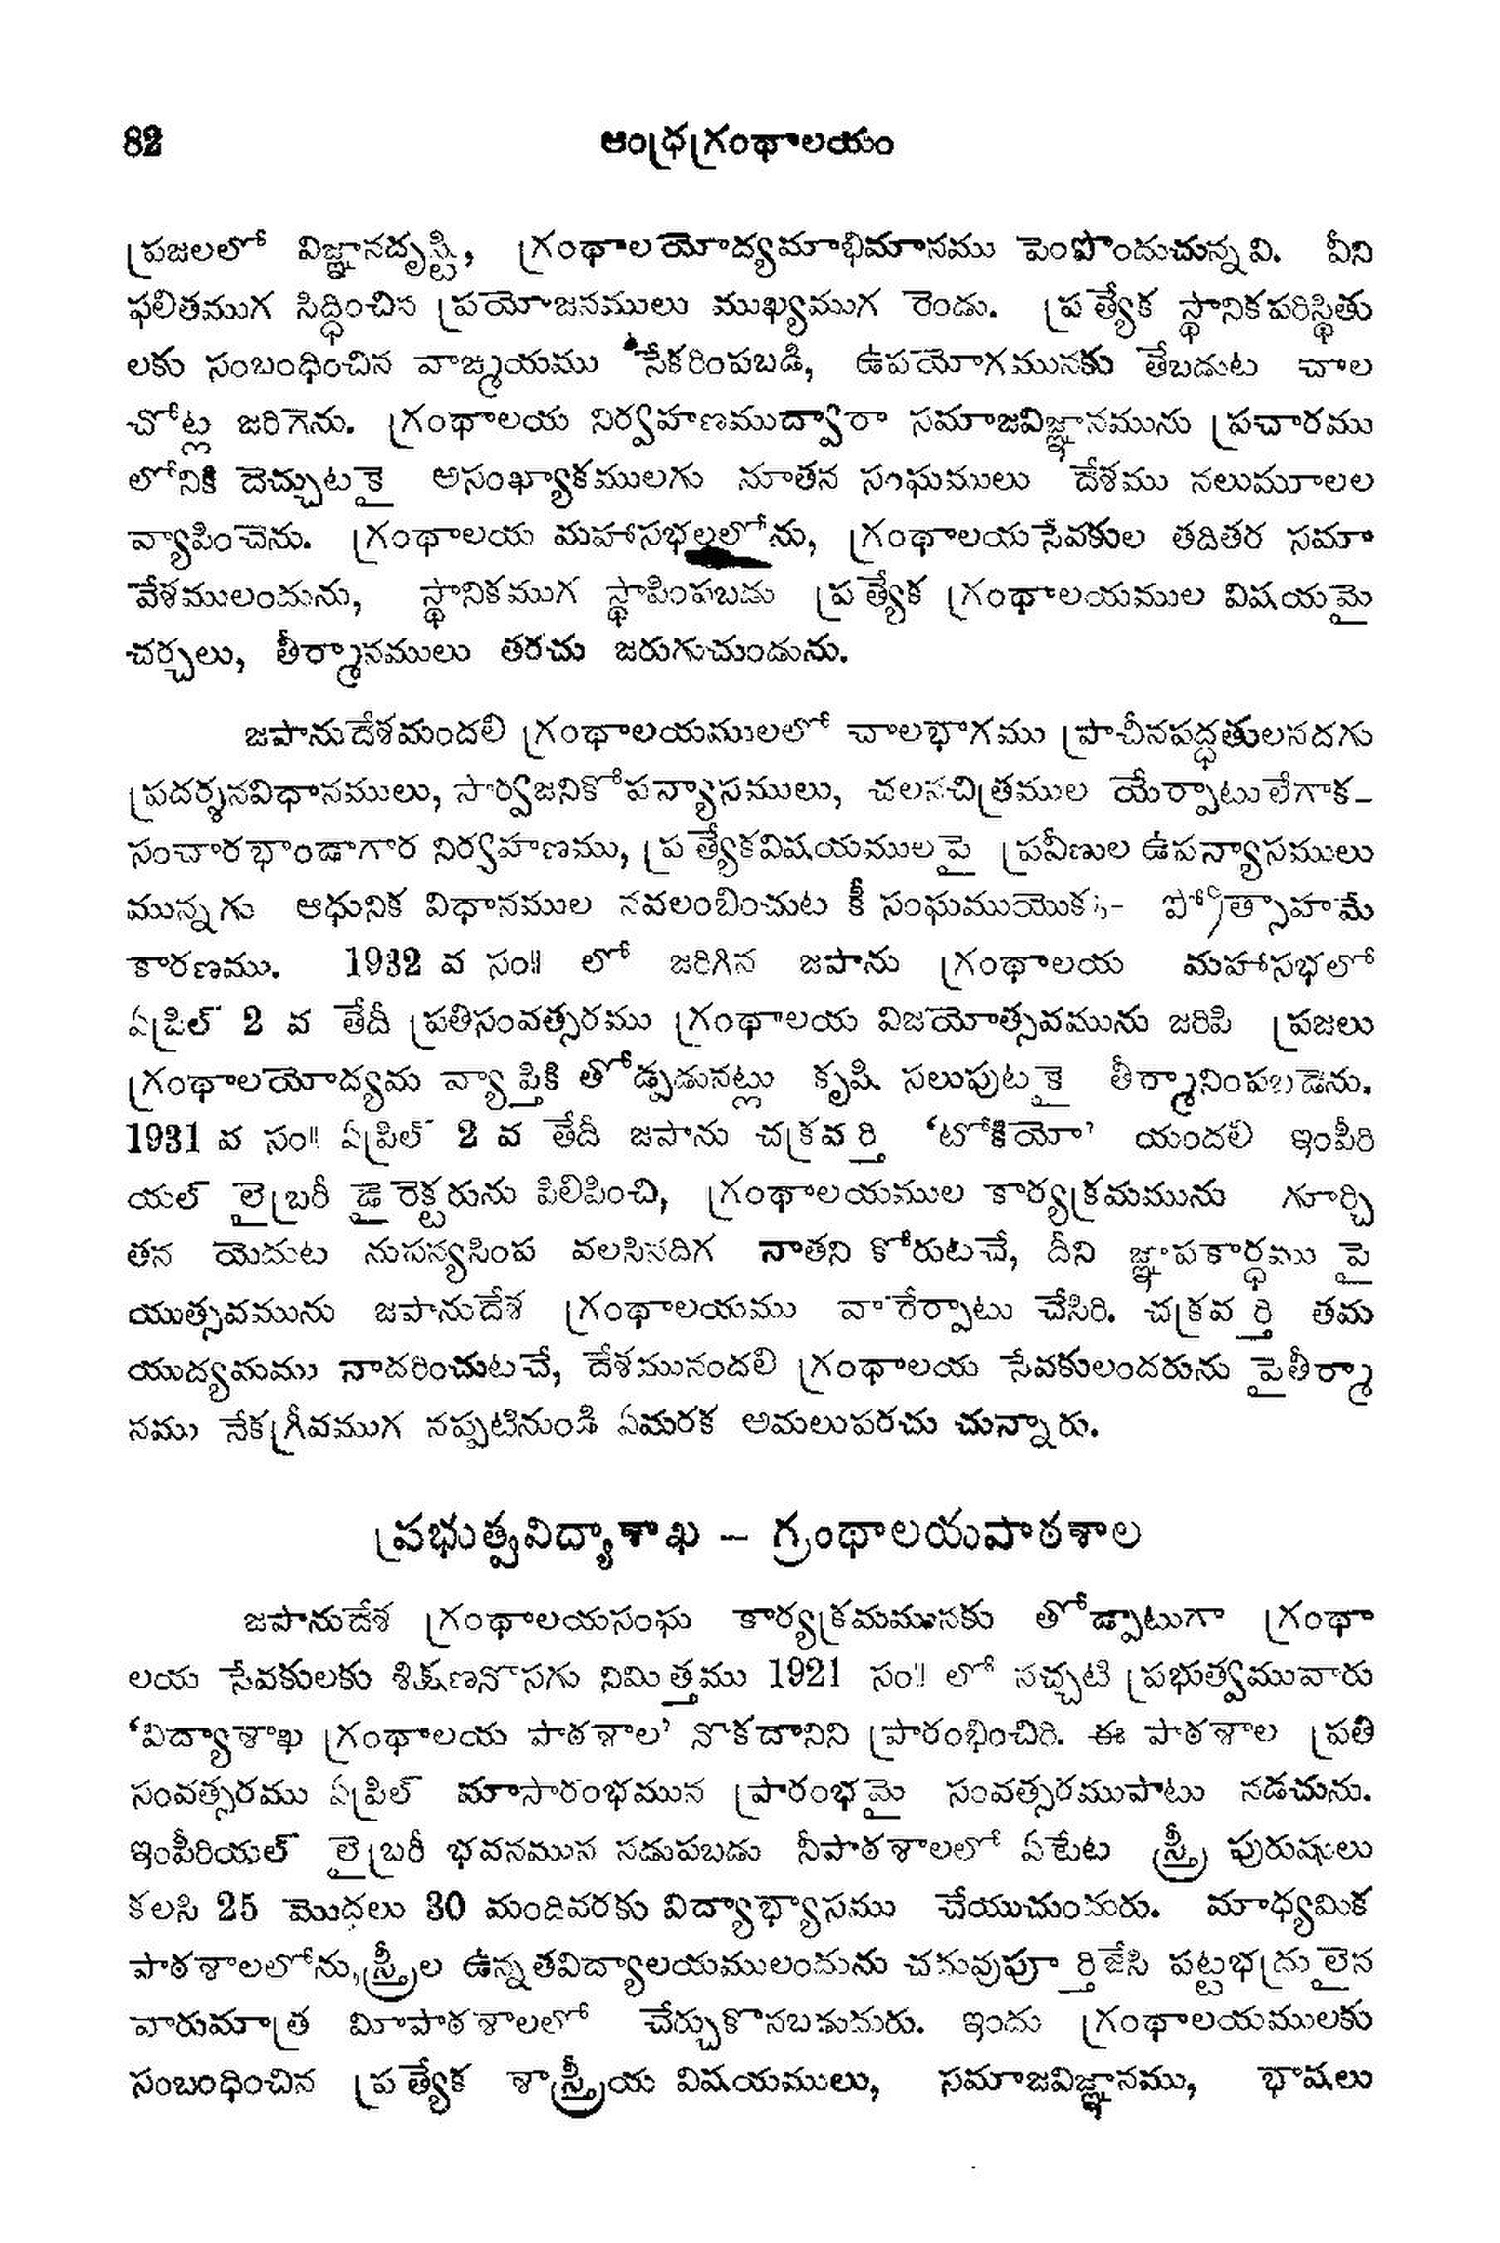ప్రజలలో విజ్ఞానదృష్టి, గ్రంథాలయోద్యమాభిమానము పెంపొందుచున్నవి. వీని ఫలితముగ సిద్ధించిన ప్రయోజనములు ముఖ్యముగ 
రెండు. ప్రత్యేక స్థానిక పరిస్థితులకు సంబంధించిన వాఙ్మయము సేకరింపబడి, ఉపయోగమునకు తేబడుట చాలచోట్ల జరిగెను. గ్రంథాలయ నిర్వహణము ద్వారా సమాజవిజ్ఞానమును ప్రచారము లోనికి దెచ్చుటకై అసంఖ్యాకములగు నూతన సంఘములు దేశము నలుమూలల వ్యాపించెను. గ్రంథాలయ మహాసభలలోను, గ్రంథాలయసేవకుల తదితర సమావేశములందును, స్థానికముగ 
స్థాపింపబడు ప్రత్యేక గ్రంథాలయముల విషయమై చర్చలు, తీర్మానములు తరచు జరుగుచుండును.

జపాను దేశమందలి గ్రంథాలయములలో చాలభాగము ప్రాచీనపద్ధతులనదగు ప్రదర్శనవిధానములు, సార్వజనికోపన్యాసములు, చలనచిత్రములు యేర్పాటులేగాక - సంచార భాండాగార నిర్వహణము, ప్రత్యేక విషయములపై ప్రవీణుల ఉపన్యాసములు
మున్నగు ఆధునిక విధానముల నవలంబించుటకీ సంఘముయొక్క - ప్రోత్సాహమే కారణము. 1932వ సం౹౹ లో జరిగిన జపాను గ్రంథాలయ మహాసభలో ఏప్రిల్ 2వ తేదీ ప్రతిసంవత్సరము గ్రంథాలయ విజయోత్సవమును జరిపి ప్రజలు గ్రంథాలయోద్యమ 
వ్యాప్తికి తోడ్పడునట్లు కృషి సలుపుటకై తీర్మానింపబడెను. 1931వ సం॥ ఏప్రిల్ 2వ తేదీ జనాను చక్రవర్తి 'టోకియో' యందలి 
ఇంపీరియల్ లైబ్రరీ డైరెక్టరును పిలిపించి, గ్రంథాలయముల కార్యక్రమమును గూర్చి తన యెదుట నుపన్యసింప వలసినదిగా 
నాతని కోరుటచే, దీని జ్ఞాపకార్ధము పై యుత్సవమును జపానుదేశ గ్రంథాలయము వారేర్పాటు చేసిరి. చక్రవర్తి తమ యుద్యమము నాదరించుటచే, దేశమునందలి గ్రంథాలయ సేవకులందరును పైతీర్మానము నేకగ్రీవముగ నప్పటినుండి ఏమరక అమలుపరచు 
చున్నారు.

జపానుదేశ గ్రంథాలయసంఘ కార్యక్రమమునకు తోడ్పాటుగా గ్రంథాలయ సేవకులకు శిక్షణనొసగు నిమిత్తము 1921 సం॥ 
లో సచ్చటి ప్రభుత్వమువారు 'విద్యాశాఖ గ్రంథాలయ పాఠశాల' నొకదానిని ప్రారంభించిరి. ఈ పాఠశాల ప్రతి సంవత్సరము 
ఏప్రిల్ మాసారంభమున ప్రారంభమై సంవత్సరము పాటు నడచును. ఇంపీరియల్ లైబ్రరీ భవనమున నడుపబడు నీపాఠశాలలో
ఏటేట స్త్రీ పురుషులు కలసి 25 మొదలు 30 మందివరకు విద్యాభ్యాసము చేయుచుందురు. మాధ్యమిక
పాఠశాలలోను, స్త్రీల ఉన్న తవిద్యాలయములందును చదువుపూర్తి జేసి పట్టభద్రులైన వారుమాత్ర మీ పాఠశాలలో చేర్చుకొనబడుదురు. ఇందు గ్రంథాలయములకు సంబంధించిన ప్రత్యేక శాస్త్రీయ విషయములు, సమాజవిజ్ఞానము, భాషలు